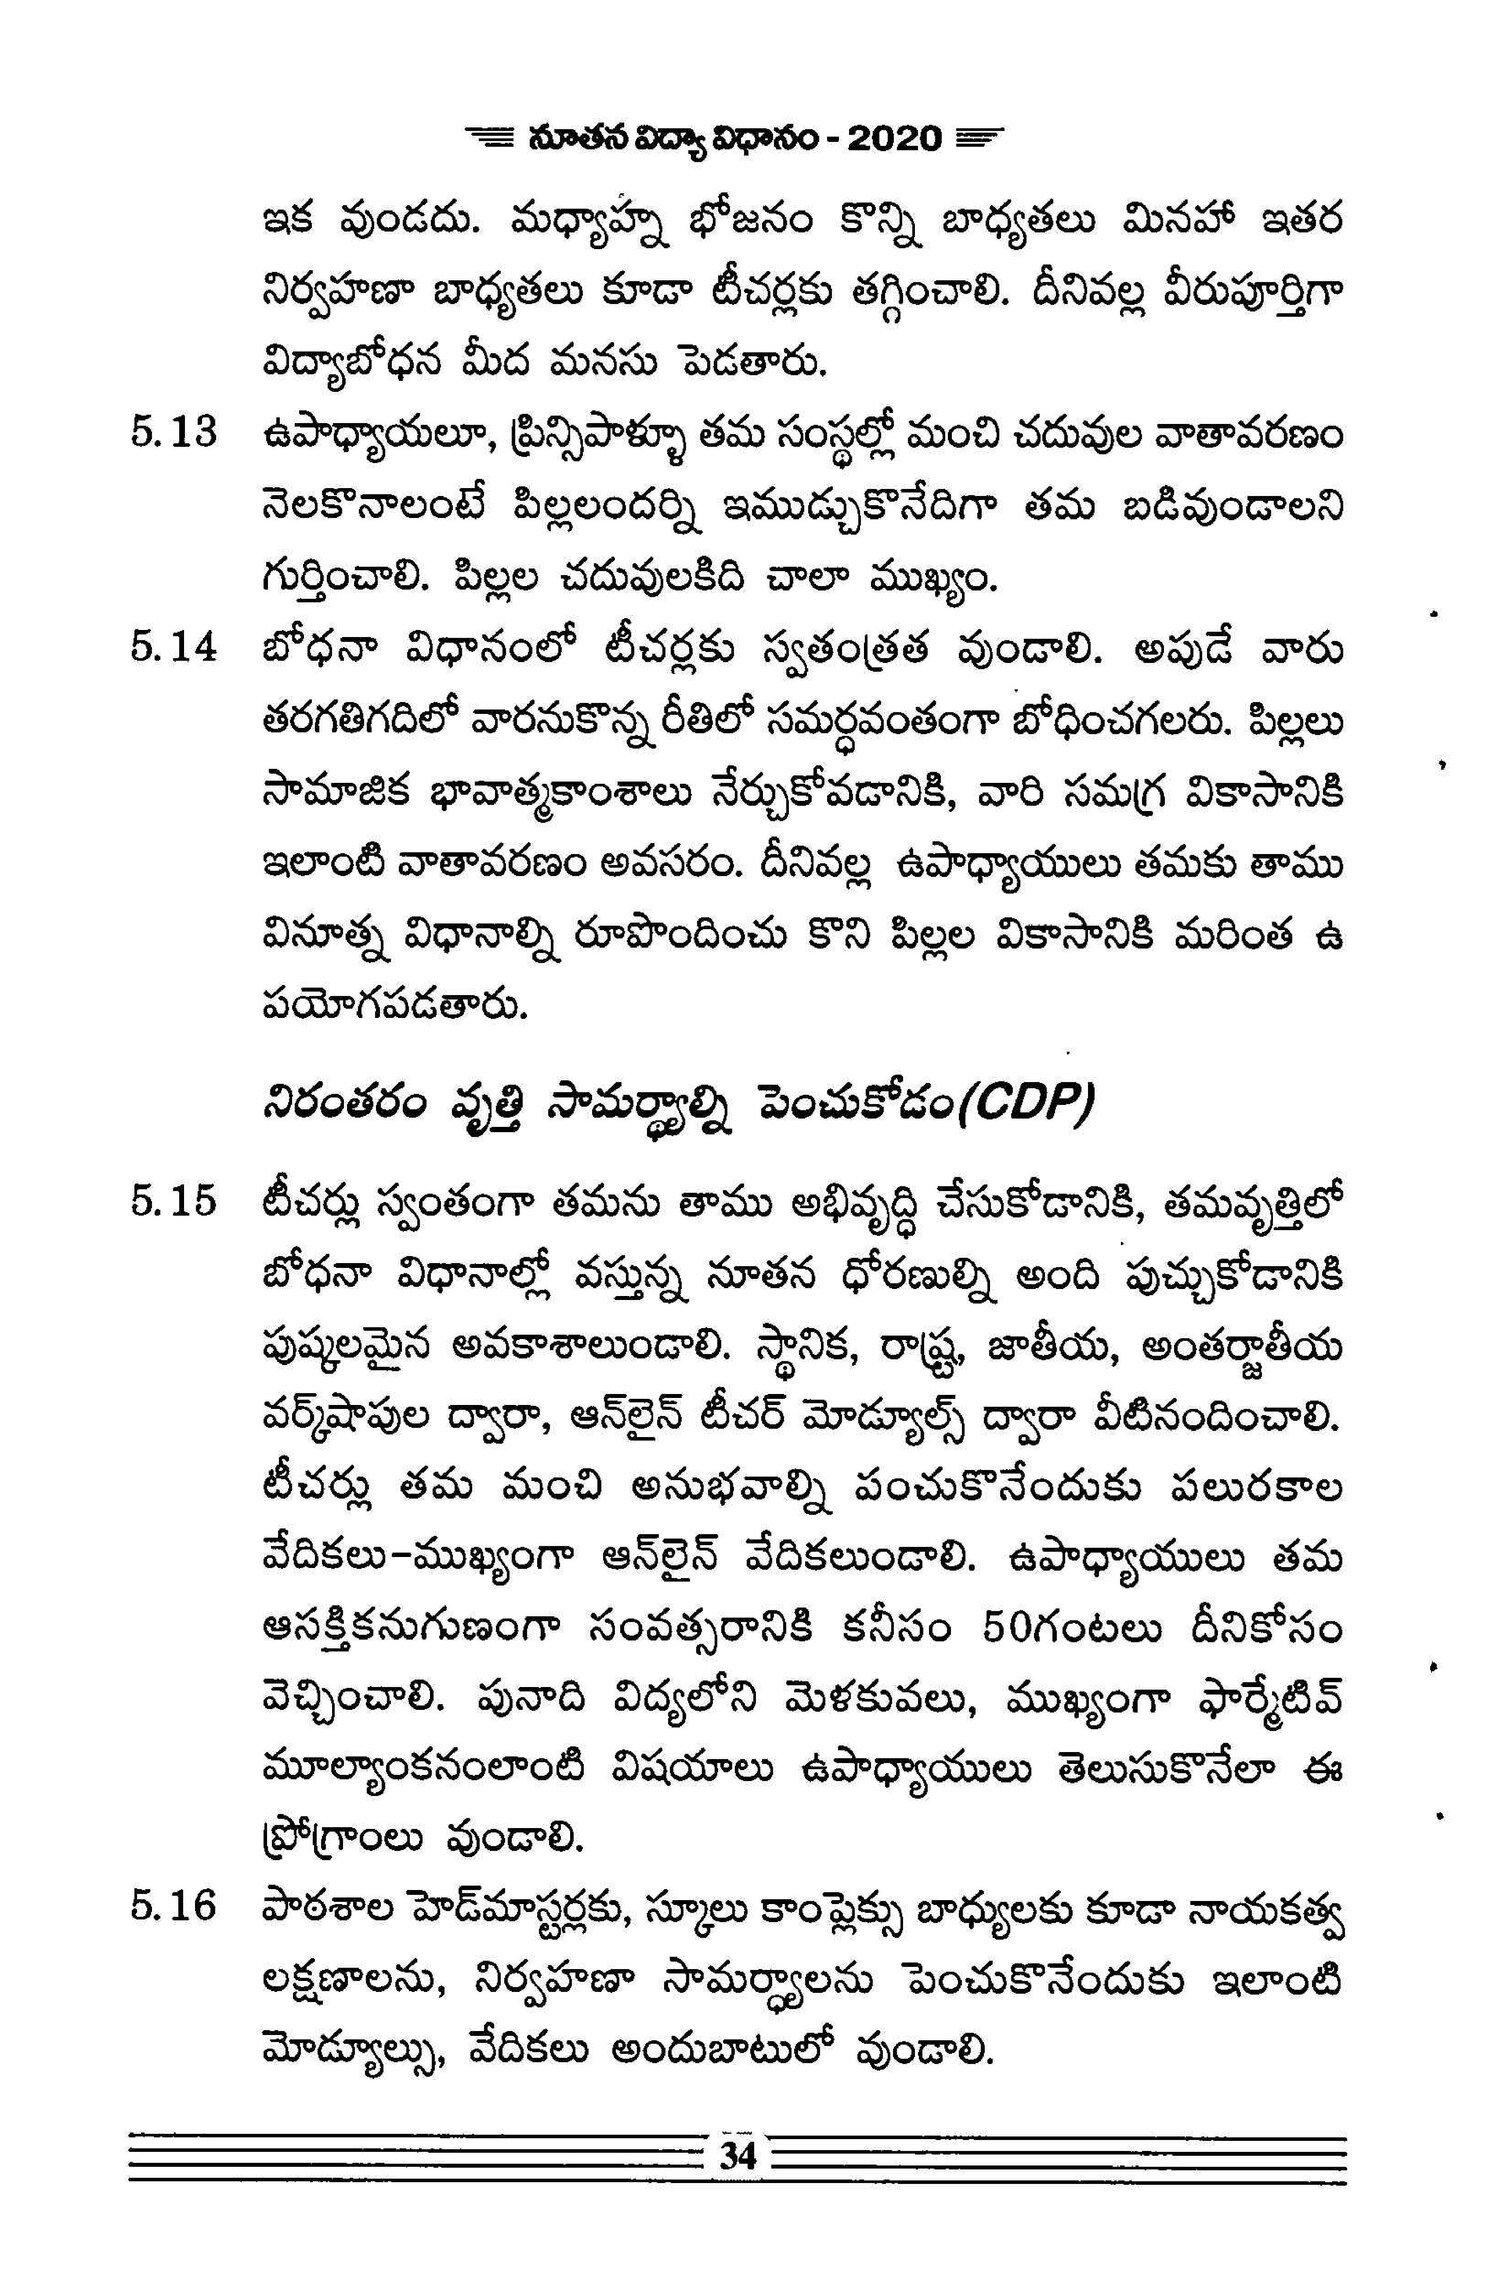ఇక వుండదు. మధ్యాహ్న భోజనం, కొన్ని బాధ్యతలు మినహా ఇతర నిర్వహణా బాధ్యతలూ కూడా టీచర్లకు అప్పగించాలి. దీనివల్ల వీరు పూర్తిగా విద్యాబోధన మీద మాత్రమే దృష్టి సారించగలుగుతారు.

5.13 ఉపాధ్యాయులు, ప్రిన్సిపాళ్ళు తమ సంస్థల్లో మంచి చదువుదనం వాతావరణం నెలకొనాలంటే పిల్లలందర్ని ఇమిడ్చుకునే విధంగా తమ పాఠశాల ఉండాలని గుర్తించాలి. ఇది పిల్లల చదువుకు చాలా ముఖ్యం.

5.14 బోధనా విధానంలో టీచర్లకు స్వతంత్రత ఉండాలి. అప్పుడు వారు తరగతిగదిలో తమకు తగిన రీతిలో సమర్ధవంతంగా బోధించగలుగుతారు. పిల్లలు సామాజిక, భావాత్మకాంశాలు నేర్చుకోవడానికి, వారి సమగ్ర వికాసానికి ఇలాంటి వాతావరణం అవసరం. దీనివల్ల ఉపాధ్యాయులు తమకు తాము వినూత్న బోధనా విధానాలు రూపొందించి పిల్లల వికాసానికి మరింత ఉపయోగపడతారు.

నిరంతరం వృత్తి సామర్థ్యాలను పెంచుకోవడం (CDP)

5.15 టీచర్లు స్వయంగా తమను తాము అభివృద్ధి చేసుకోవడానికి, తమ వృత్తిలో బోధనా విధానాల్లో వస్తున్న నూతన ధోరణుల్ని అంది పుచ్చుకోవడానికి పుష్కలమైన అవకాశాలు ఉండాలి. స్థానిక, రాష్ట్ర, జాతీయ, అంతర్జాతీయ వర్క్షాప్‌ల ద్వారా, ఆన్‌లైన్ టీచర్ మాడ్యూల్స్ ద్వారా వీటిని అందించాలి. టీచర్లు తమ మంచి అనుభవాలను పంచుకునేందుకు పలురకాల వేదికలు, ముఖ్యంగా ఆన్‌లైన్ వేదికలు ఉండాలి. ఉపాధ్యాయులు తమ ఆసక్తి ప్రకారం సంవత్సరానికి కనీసం 50 గంటలు దీనికోసం వెచ్చించాలి. పునాది విద్యలోని మెళకువలు, ముఖ్యంగా ఫార్మేటివ్ మూల్యాంకనం వంటి విషయాలు ఉపాధ్యాయులు తెలుసుకోవడానికి ఈ ప్రోగ్రాములు ఉండాలి.

5.16 పాఠశాల హెడ్మాస్టర్లకు, పాఠశాల కాంప్లెక్సు బాధ్యులకు నాయకత్వ లక్షణాలు, నిర్వహణ సామర్థ్యాలను పెంచుకునేందుకు ఇలాంటి మాడ్యూల్స్, వేదికలు అందుబాటులో ఉండాలి.